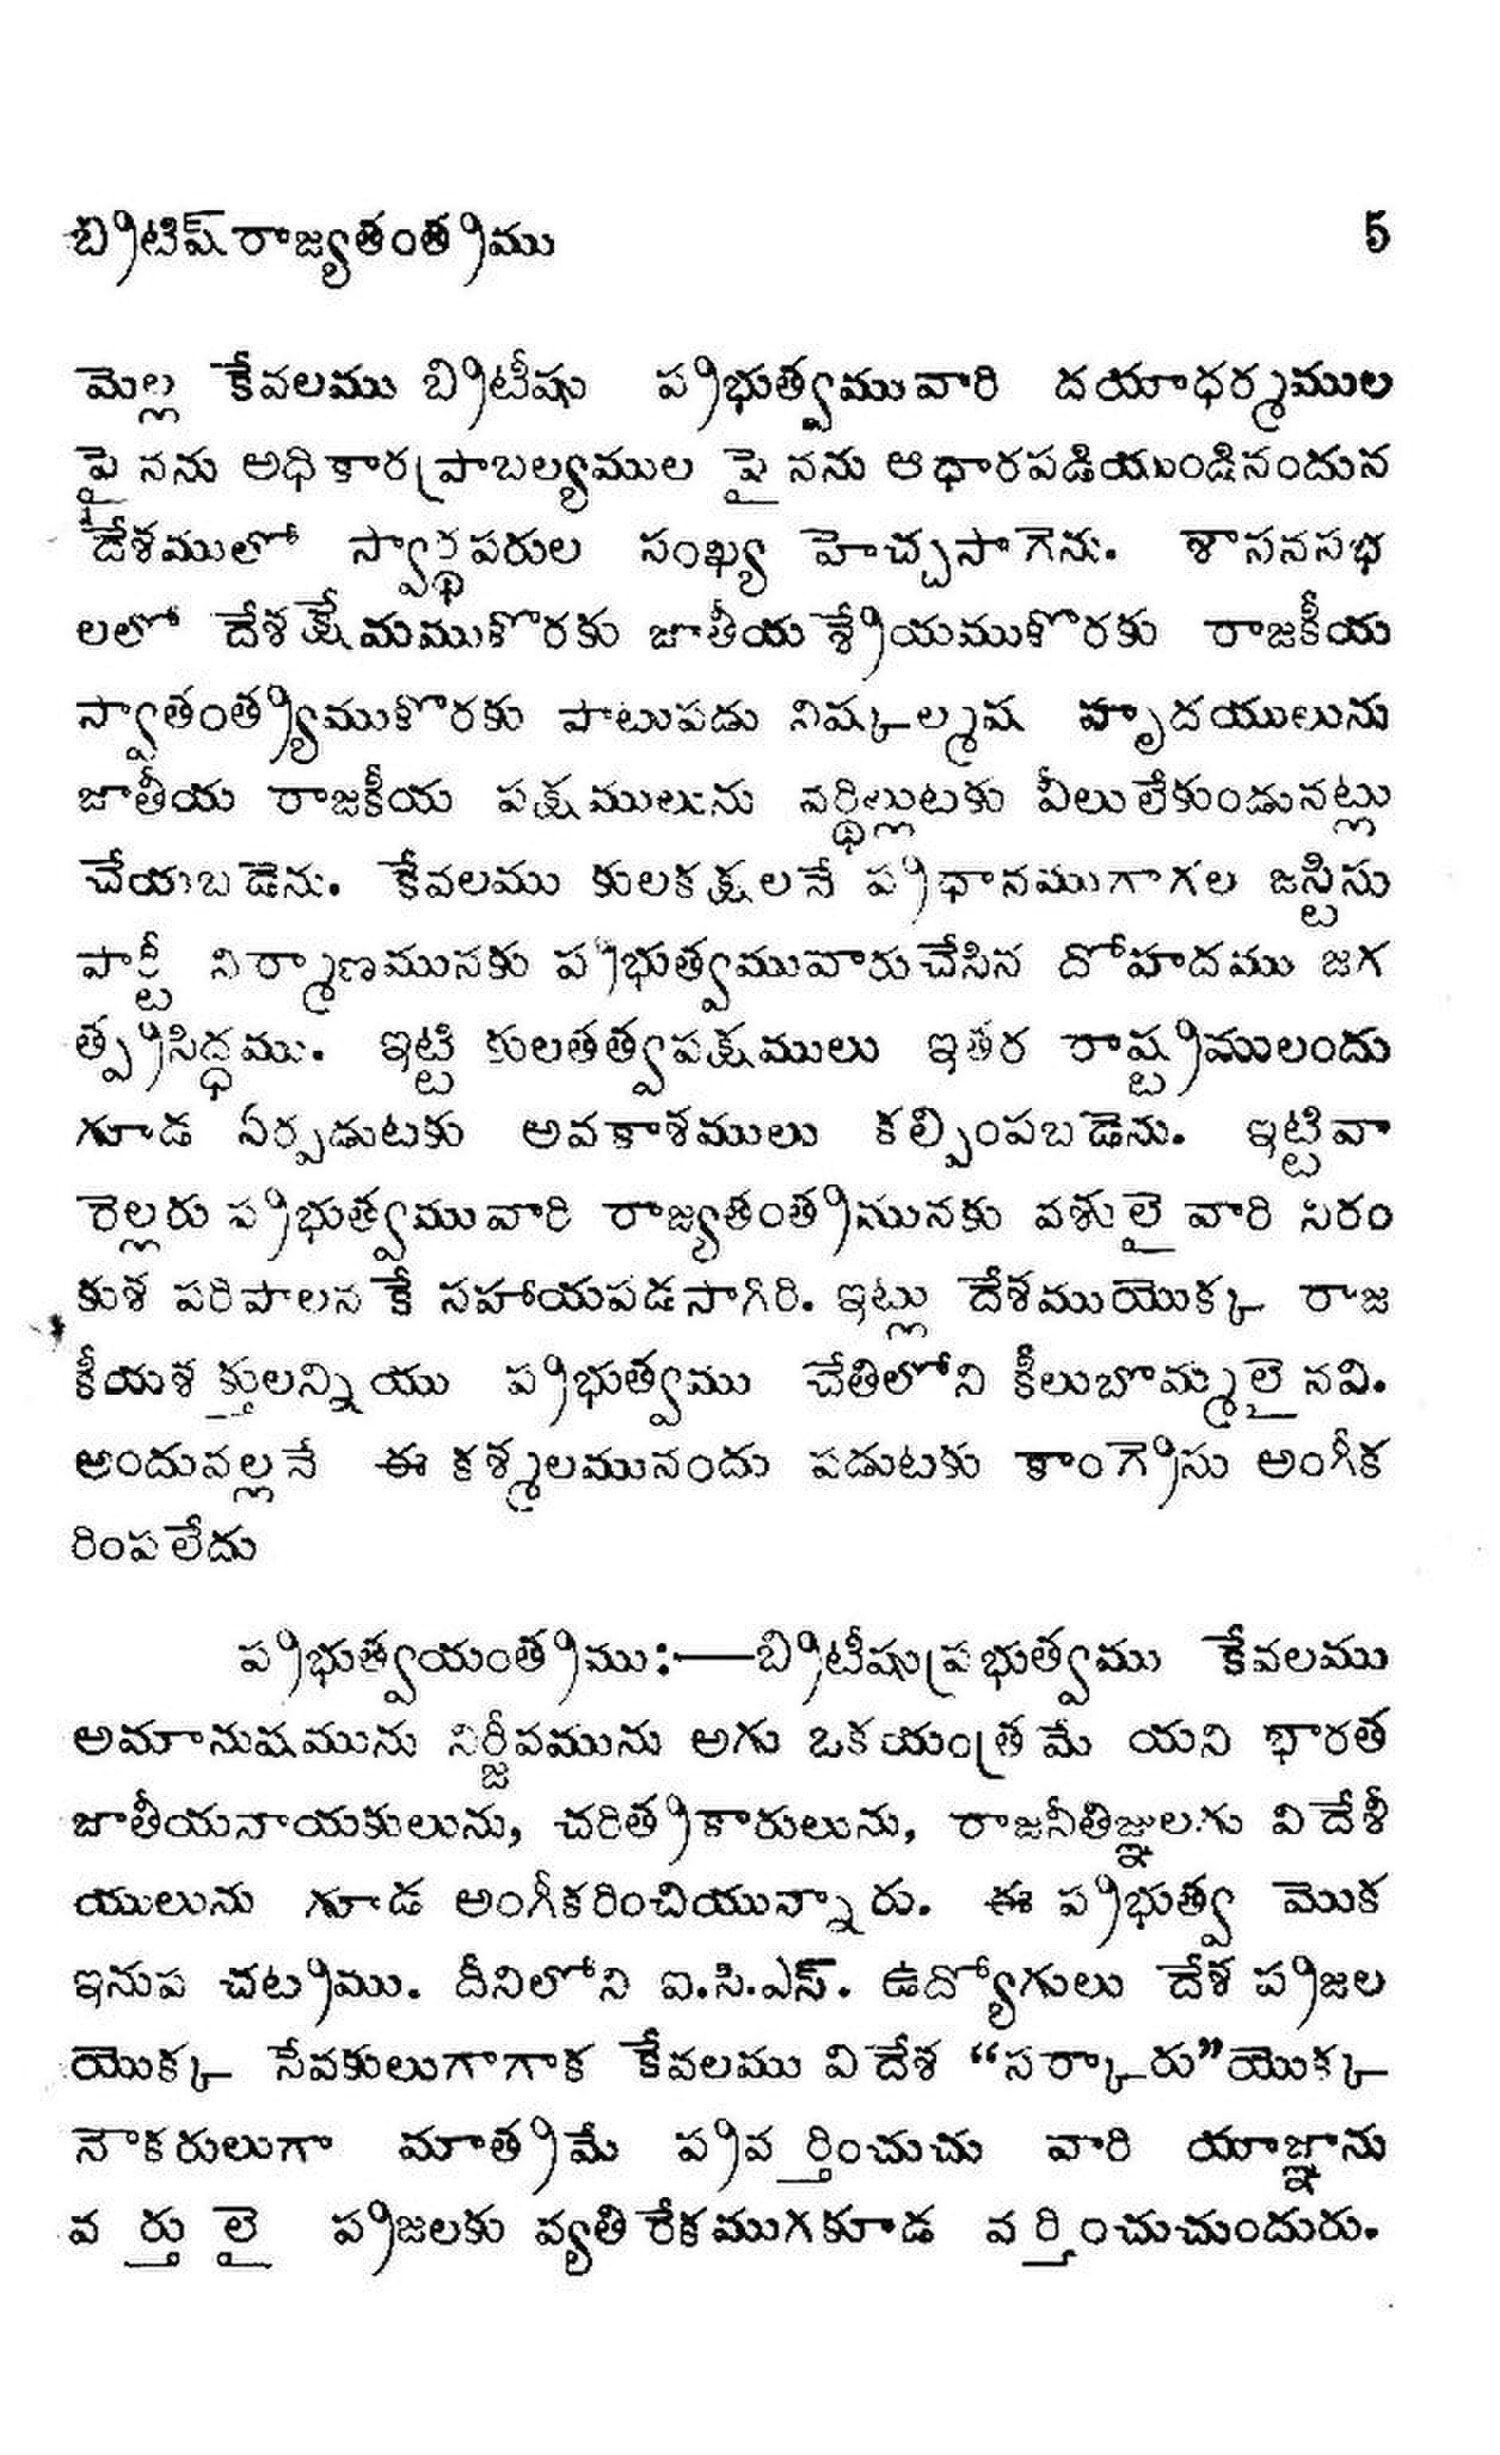మెల్ల కేవలము బ్రిటీషు ప్రభుత్వమువారి దయాధర్మముల పై నను అధికారప్రాబల్యముల పై నను ఆధారపడియుండి నందున దేశములో స్వార్థపరుల సంఖ్య హెచ్చసాగెను. శాసనసభలలో దేశక్షేమముకొరకు జాతీయశ్రేయముకొరకు రాజకీయస్వాతంత్ర్యముకొరకు పాటుపడు నిష్కల్మష హృదయులును జాతీయ రాజకీయ పక్షములును వర్ధిల్లుటకు వీలులేకుండునట్లు చేయబడెను. కేవలము కులకక్షలనే ప్రధానముగాగల జస్టిసుపార్టీ నిర్మాణమునకు పభుత్వమువారు చేసిన దోహదము జగత్ప్రసిద్ధము. ఇట్టి కులతత్వపక్షములు ఇతర రాష్ట్రములందు గూడ ఏర్పడుటకు అవకాశములు కల్పింపబడెను. ఇట్టివా రెల్లరు ప్రభుత్వమువారి రాజ్యతంత్రమునకు వశులై వారి నిరంకుశ పరిపాలన కే సహాయపడసాగిరి. ఇట్లు దేశముయొక్క రాజకీయశక్తులన్నియు ప్రభుత్వము చేతిలోని కీలుబొమ్మలైనవి. అందువల్లనే ఈ కశ్మలమునందు పడుటకు కాంగ్రెసు అంగీకరింపలేదు

ప్రభుత్వయంత్రము:— బ్రిటీషుప్రభుత్వము కేవలము అమానుషమును నిర్జీవమును అగు ఒక యంత్రమే యని భారత జాతీయనాయకులును, చరిత్రకారులును, రాజనీతిజ్ఞులగు విదేశీయులును గూడ అంగీకరించియున్నారు. ఈ ప్రభుత్వ మొక ఇనుప చట్రము. దీనిలోని ఐ.సి.ఎస్. ఉద్యోగులు దేశ ప్రజలయొక్క సేవకులుగాగాక కేవలము విదేశ “సర్కారు" యొక్క నౌకరులుగా మాత్రమే ప్రవర్తించుచు వారి యాజ్ఞానువర్తు లై ప్రజలకు వ్యతిరేకముగకూడ వర్తించుచుందురు.